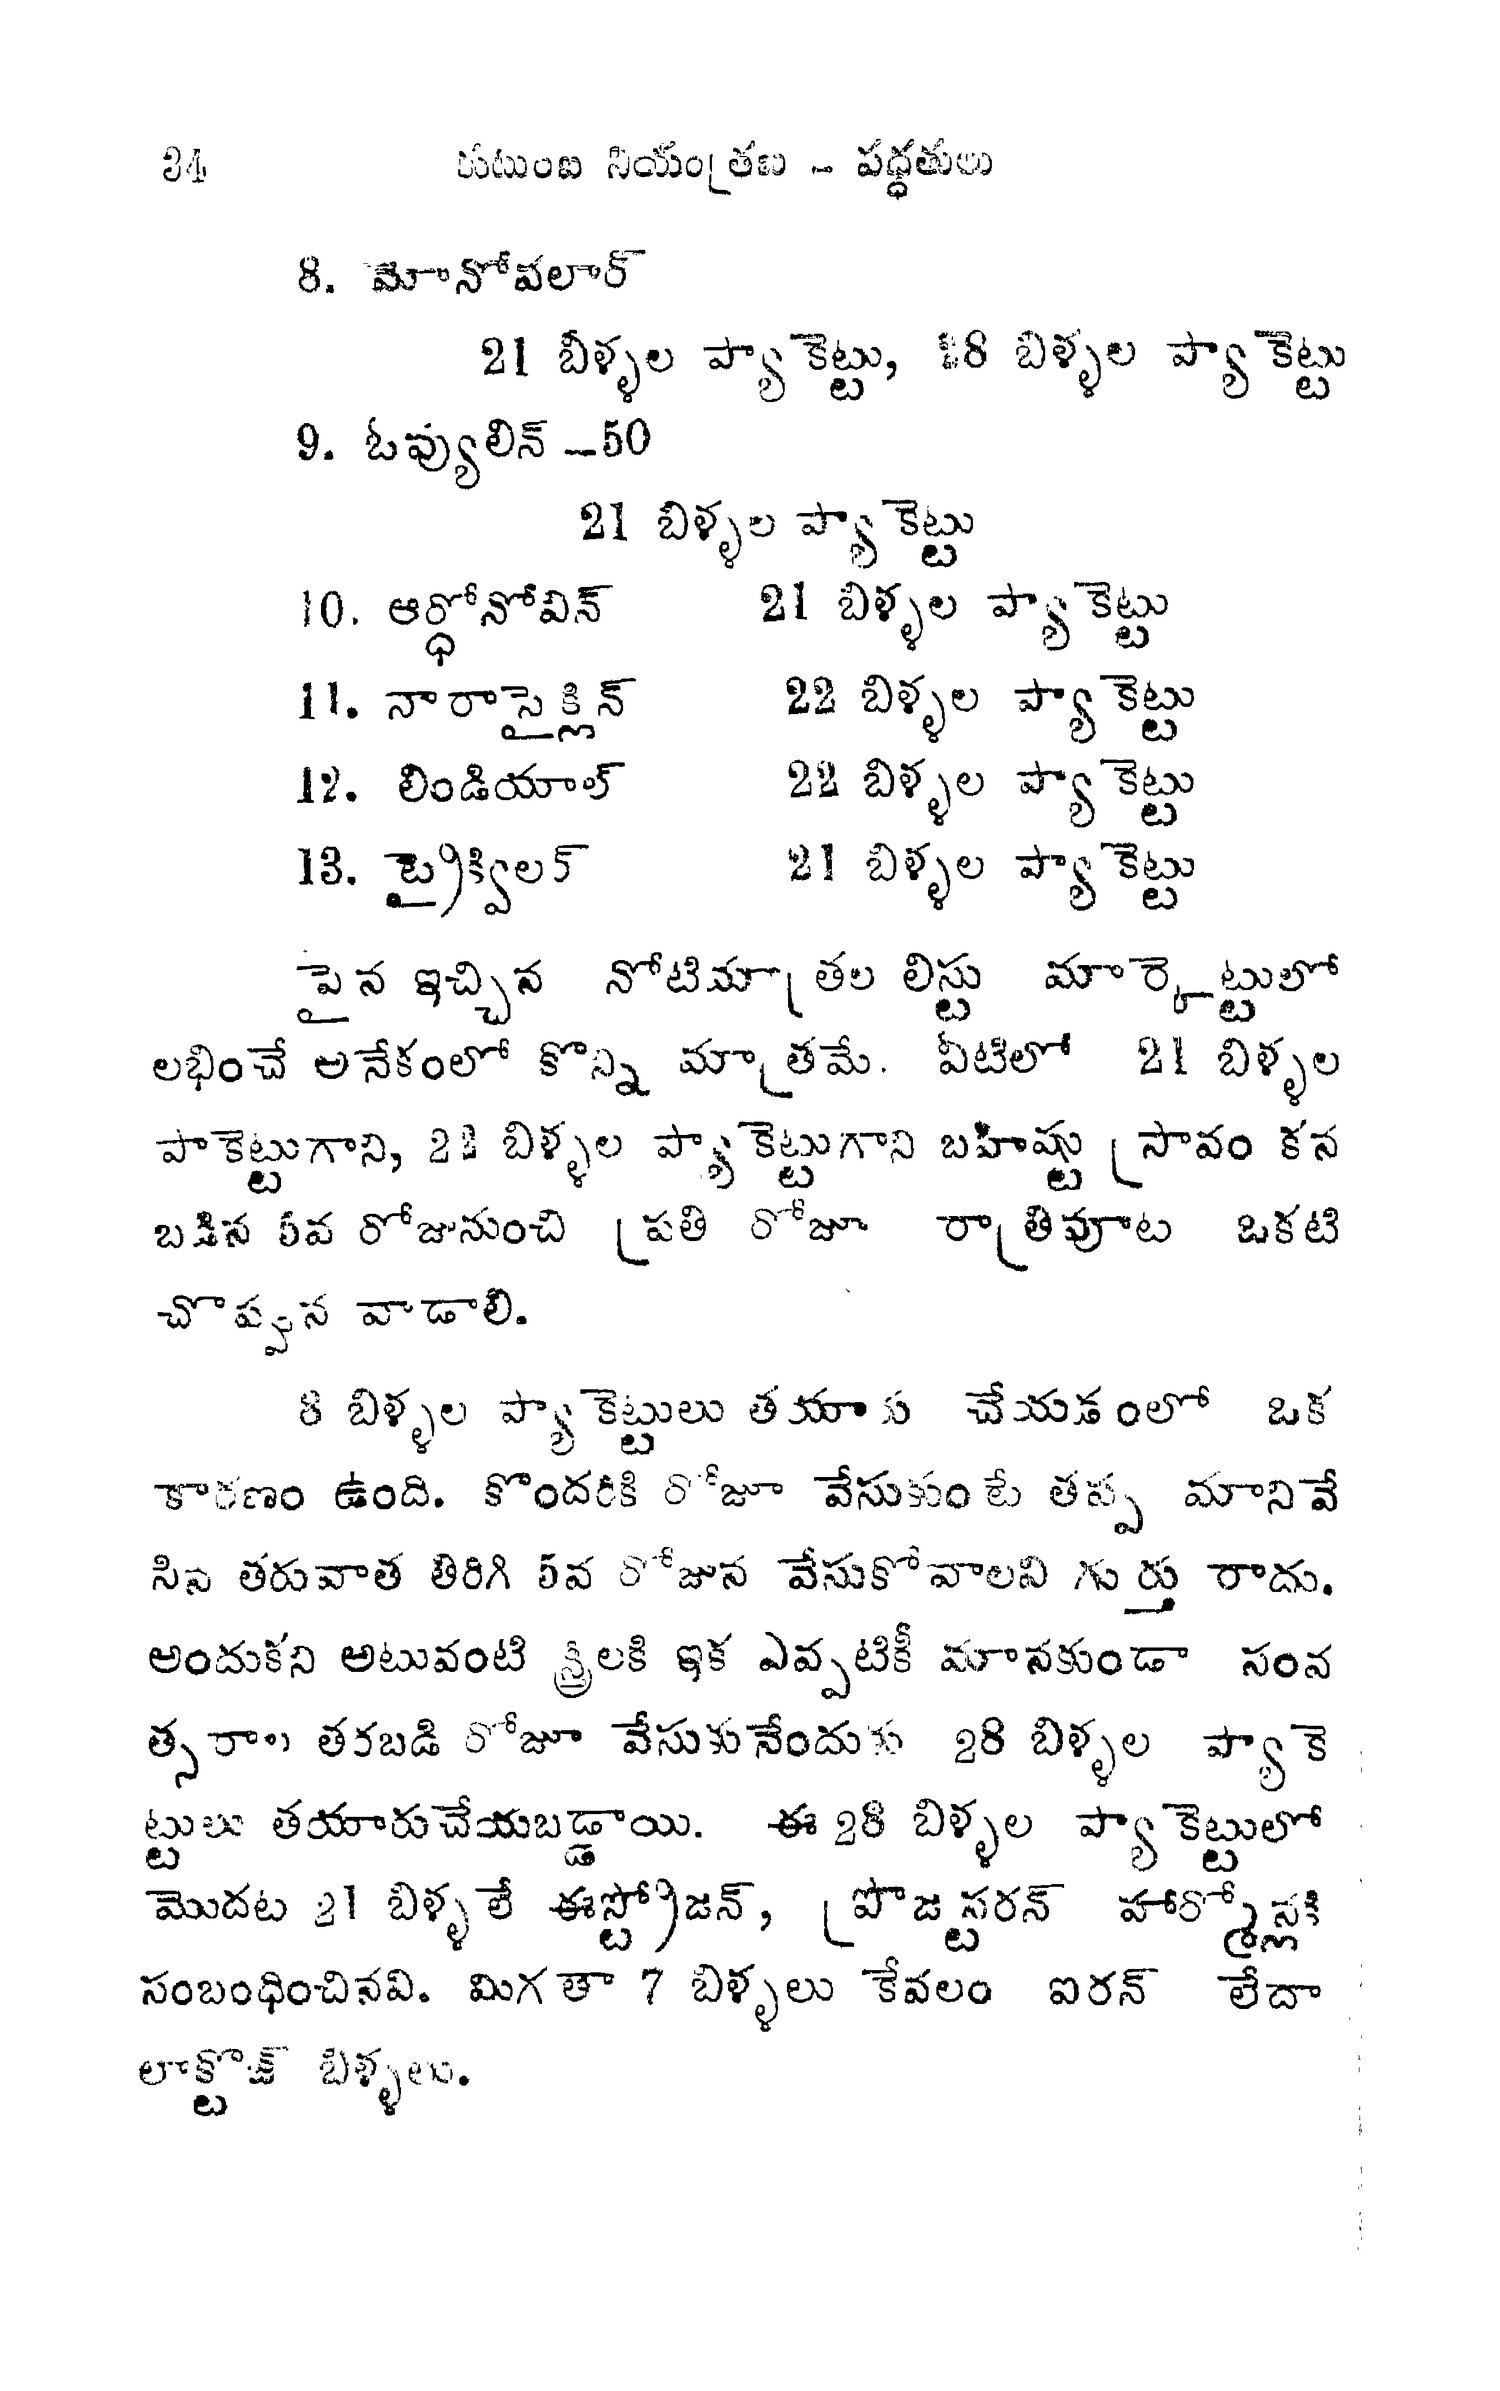8. మోనోవలార్ 
 21 బిళ్ళల ప్యాకెట్టు, 28 బిళ్ళల ప్యకెట్టు

9. ఓప్యులిన్ - 30
 21 బిళ్ళల ప్యాకెట్టు

10. ఆర్ధోనోవిన్ 21 బిళ్ళల ప్యాకెట్టు

11. నారాసైక్లిన్ 22 బిళ్ళల ప్యాకెట్టు

12. లిండియాల్ 22 బిళ్ళల ప్యాకెట్టు

13. ట్రైక్విలర్ 21 బిళ్ళల ప్యాకెట్టు 

పైన ఇచ్చిన నోటిమాత్రల లిస్టు మార్కెట్టులొ లభించే అనేకంలో కొన్ని మాత్రమే వీటి 21 బిళ్ళల పాకెట్టుగాని, 22 బిళ్ళల ప్యాకెట్టుగాని బహిష్టు స్రావం కనబడిన 5 వ రోజునుంచి ప్రతి రోజూ రాత్రిపూట ఒకటి చొపున వాడాలి.

8 బిళ్ళల ప్యాకెట్టులు తయారు చేయడంలో ఒక కారణం ఉంది. కొందరికి రోజూ వేసుకుంటే తప్ప మానివేసిన తరువాత తిరిగి 5వ రోజున వేసుకోవాలని గుర్తు రాదు. అందుకని అటువంటి స్త్రీలకి ఇక ఎప్పటికీ మానకుండా సంవత్సరాల తరబడి రోజూ వేసుకునేందుకు 28 బిళ్ళల ప్యాకెట్తులు తయారుచేయబడ్డాయి. ఈ 28 బిళ్ళల ప్యకెట్టులో మొదట 21 బిళ్ళలే ఈస్ట్రోజన్, ప్రొజస్టరన్ హార్మోన్లకి సంబంధించినవి. మిగతా 7 బిళ్ళలు కేవలం ఐరన్ లెదా లాక్టొజ్ బిళ్ళలు.